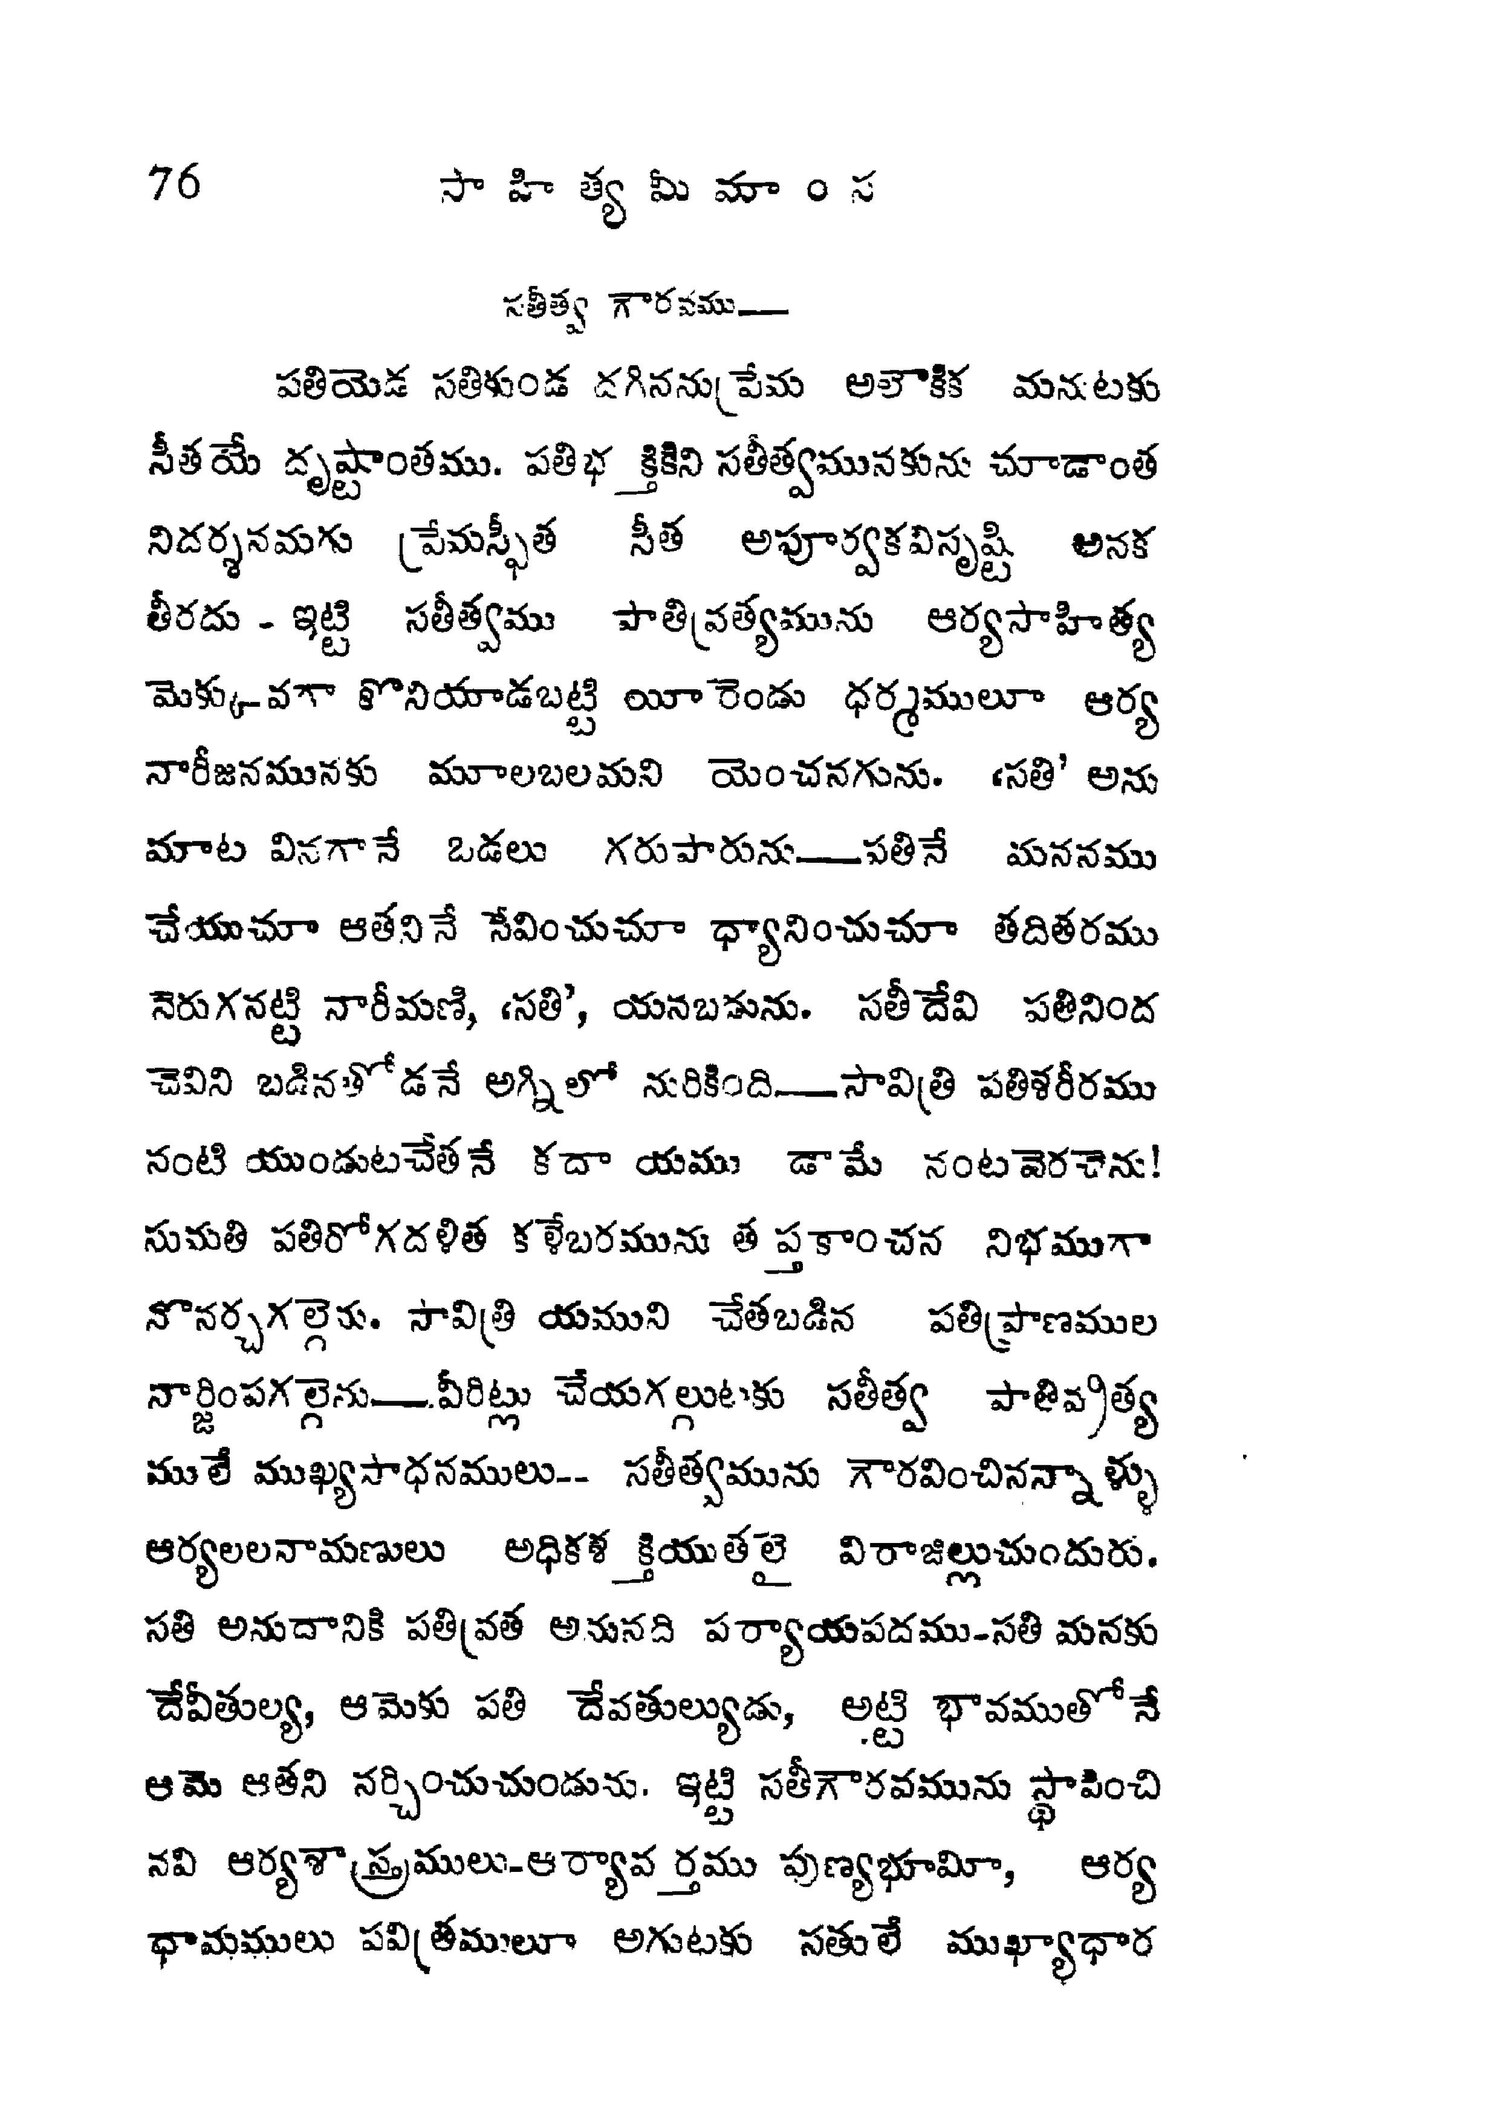పతియెడ సతికుండ దగిననుప్రేమ అలౌకిక మనుటకు సీతయే దృష్టాంతము. పతిభక్తికిని సతీత్వమునకును చూడాంత నిదర్శనమగు ప్రేమస్ఫీత సీత అపూర్వకవిసృష్టి అనకతీరదు - ఇట్టి సతీత్వము పాతివ్రత్యమును ఆర్యసాహిత్య మెక్కువగా కొనియాడబట్టి యీరెండు ధర్మములూ ఆర్య నారీజనమునకు మూలబలమని యెంచనగును. 'సతి' అను మాట వినగానే ఒడలు గరుపారును - పతినే మననము చేయుచూ ఆతనినే సేవించుచూ ధ్యానించుచూ తదితరము నెరుగనట్టి నారీమణి, 'సతి', యనబడును. సతీదేవి పతినింద చెవిని బడినతోడనే అగ్నిలో నురికింది - సావిత్రి పతిశరీరము నంటి యుండుటచేతనే కదా యము డామే నంటవెరచెను! సుమతి పతిరోగదళిత కళేబరమును తప్తకాంచన నిభముగా నొనర్చగల్గెను. సావిత్రి యముని చేతబడిన పతిప్రాణముల నార్జింపగల్గెను - వీరిట్లు చేయగల్గుటకు సతీత్వ పాతివ్రత్యములే ముఖ్యసాధనములు - సతీత్వమును గౌరవించినన్నాళ్ళు ఆర్యలలనామణులు అధికశక్తియుతలై విరాజిల్లుచుందురు. సతి అనుదానికి పతివ్రత అనునది పర్యాయపదము - సతి మనకు దేవీతుల్య, ఆమెకు పతి దేవతుల్యుడు, అట్టి భావముతోనే ఆమె అతని నర్చించుచుండును. ఇట్టి సతీగౌరవమును స్థాపించినవి ఆర్యశాస్త్రములు - ఆర్యావర్తము పుణ్యభూమీ, ఆర్యధామములు పవిత్రములూ అగుటకు సతులే ముఖ్యాధార